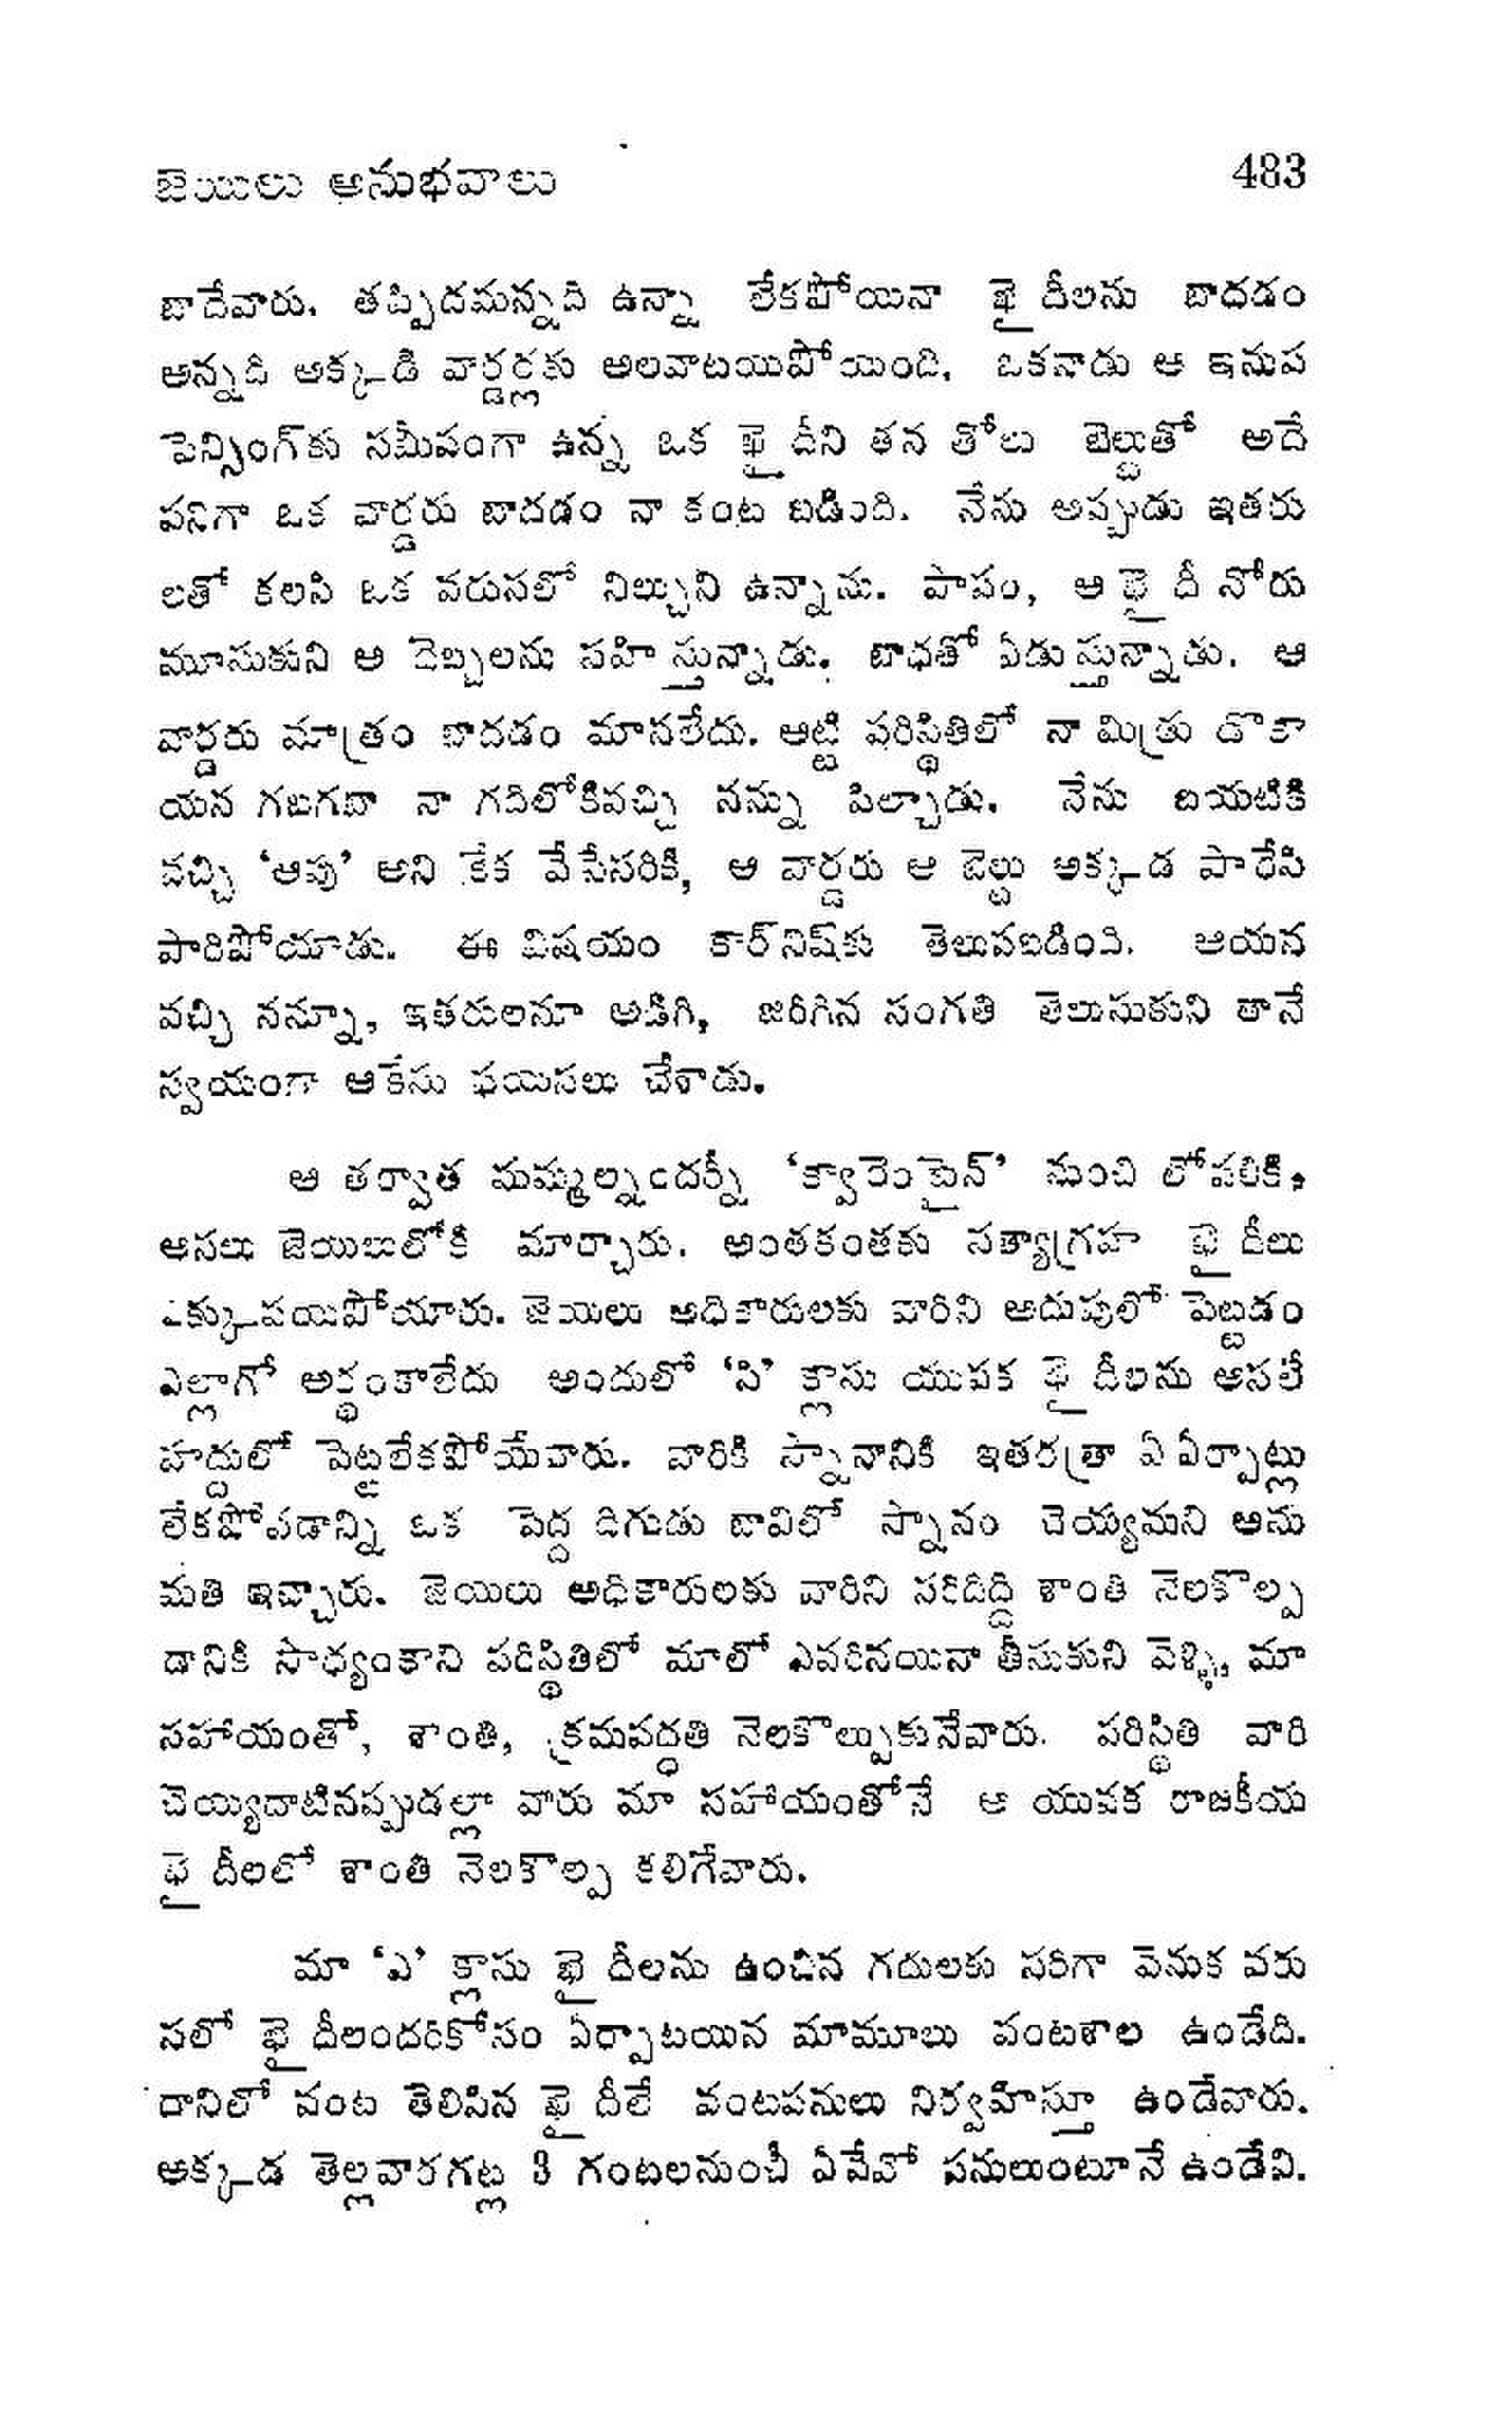బాదేవారు. తప్పిదమన్నది ఉన్నా లేకపోయినా ఖైదీలను బాదడం అన్నది అక్కడి వార్డర్లకు అలవాటయిపోయింది. ఒకనాడు ఆ ఇనుప పెన్సింగ్‌కు సమీపంగా ఉన్న ఒక ఖైదీని తన తోలు బెల్టుతో అదేపనిగా ఒక వార్డరు బాదడం నా కంట బడింది. నేను అప్పుడు ఇతరులతో కలసి ఒక వరుసలో నిల్చుని ఉన్నాను. పాపం, ఆఖైదీ నోరుమూసుకుని ఆ దెబ్బలను సహిస్తున్నాడు. బాధతో ఏడుస్తున్నాడు. ఆ వార్డరు మాత్రం బాదడం మానలేదు. అట్టి పరిస్థితిలో నా మిత్రు డొకాయన గబగబా నా గదిలోకివచ్చి నన్ను పిల్చాడు. నేను బయటికి వచ్చి 'ఆపు' అని కేక వేసేసరికి, ఆ వార్డరు ఆ బెల్టు అక్కడ పారేసి పారిపోయాడు. ఈ విషయం కార్‌నిష్‌కు తెలుపబడింది. ఆయన వచ్చి నన్నూ, ఇతరులనూ అడిగి, జరిగిన సంగతి తెలుసుకుని తానే స్వయంగా ఆకేసు ఫయిసలు చేశాడు.

ఆ తర్వాత మమ్మల్నందర్నీ 'క్వారెంటైన్‌' నుంచి లోపలికి, అసలు జెయిలులోకి మార్చారు. అంతకంతకు సత్యాగ్రహ ఖైదీలు ఎక్కువయిపోయారు. జెయిలు అదికారులకు వారిని అదుపులో పెట్టడం ఎల్లాగో అర్థంకాలేదు. అందులో 'సి' క్లాసు యువక ఖైదీలను అసలే హద్దులో పెట్టలేకపోయేవారు. వారికి స్నానానికి ఇతరత్రా ఏ ఏర్పాట్లు లేకపోవడాన్ని ఒక పెద్ద దిగుడు బావిలో స్నానం చెయ్యమని అనుమతి ఇచ్చారు. జెయిలు అధికారులకు వారిని సరిదిద్ది శాంతి నెలకొల్పడానికి సాధ్యంకాని పరిస్థితిలో మాలో ఎవరినయినా తీసుకుని వెళ్ళి, మా సహాయంతో, శాంతి, క్రమపద్ధతి నెలకొల్పుకునేవారు. పరిస్థితి వారి చెయ్యిదాటి నప్పుడల్లా వారు మా సహాయంతోనే ఆ యువక రాజకీయ ఖైదీలలో శాంతి నెలకొల్ప కలిగేవారు.

మా 'ఎ' క్లాసు ఖైదీలను ఉంచిన గదులకు సరిగా వెనుక వరుసలో ఖైదీలందరికోసం ఏర్పాటయిన మామూలు వంటశాల ఉండేది. దానిలో వంట తెలిసిన ఖైదీలే వంటపనులు నిర్వహిస్తూ ఉండేవారు. అక్కడ తెల్లవారగట్ల 3 గంటలనుంచీ ఏవేవో పనులుంటూనే ఉండేవి.